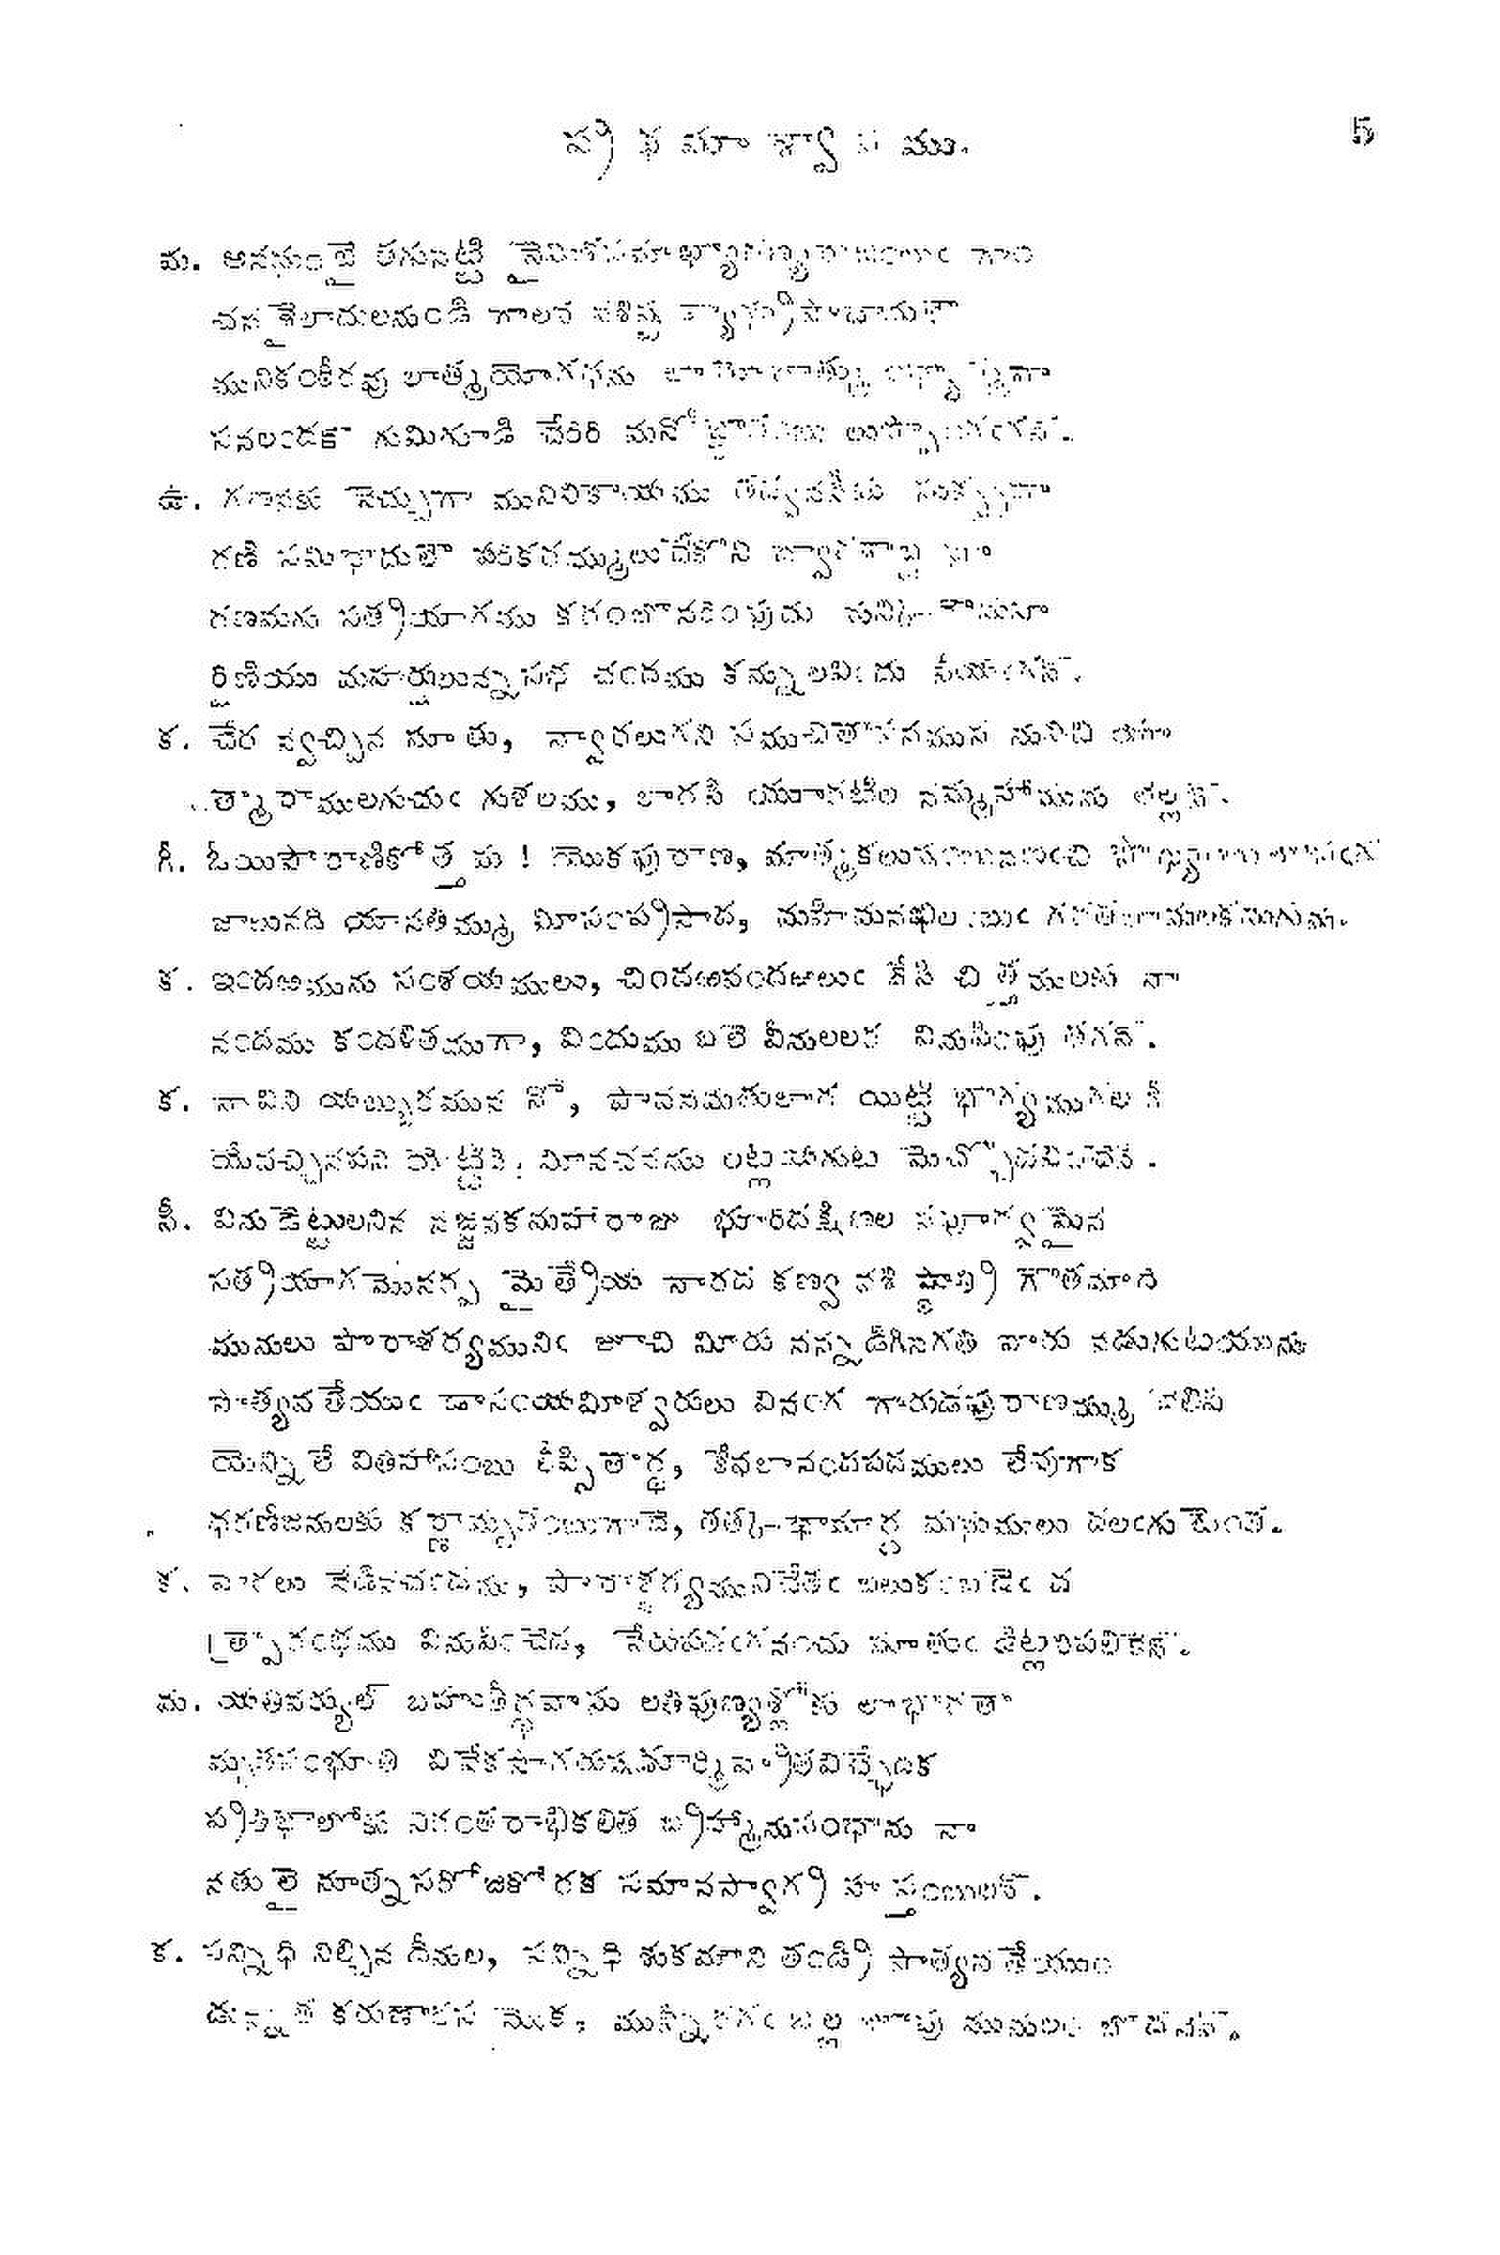మ. అనఘంబై తగునట్టి నైమిశసమాఖ్యారణ్యరాజంబుఁ గాం
 చనశైలాదులనుండి గాలవ వశిష్ట వ్యాఘ్రపాదాదులౌ
 మునికంఠీరవు లాత్మయోగధను లామోజాత్కు లధ్యాత్మువా
 సనలందన్ గుమిగూడి చేరిరి మనోజ్ఞానంబు లుప్పొంగఁగన్.

ఉ. గణనకు నెచ్చుగా మునినికాయము తద్వనసీమ సంక్సృదా
 రణి సమిధాదులౌ పరికరమ్ములుచేకొని ద్వారకాబ్జభా
 రణమగు సత్రయాగము కరంబొనరింపుచు నున్కి రౌమహ
 ర్షిణియు మహర్షులున్న సభ చందము కన్నులవిందు సేయఁగన్.

క. చేర న్వచ్చిన సూతు, న్వారలుగని సముచితాసనమున నునిచి యా
 త్మారాములగుచుఁ గుశలము, లారసి యూరటిల నమ్మహామును లెల్లన్.

గీ. ఓయిపౌరాణికోత్తమ! యొకపురాణ, మాత్మకలుషంబు నఁణచి సౌఖ్యంబు లొసఁగఁ
 జాలునది యానతిమ్ము మీసంప్రసాద, మహిమ నఖిలంబుఁ గరతలామలక మగును.

క. ఇందఱమును సంశయములు, చిందఱవందఱలుఁ జేసి చిత్తములకు నా
 నందము కందళితముగా, విందుము బలె వీనులలర వినుపింపు తగన్.

క. నా విని యబ్బురమున నో, పావనమతులార యిట్టి భాగ్యముగలదే
 యేవచ్చినపని యెట్టిది, మీవచనము లట్ల యగుట మెచ్చొదవించెన్.

సీ. వినుడెట్టులనిన నజ్జనకమహారాజు భూరిదక్షిణల నపూర్వమైన
 సత్రయాగ మొనర్ప మైత్రేయ నారద కణ్వ వశి ష్ఠాత్రి గౌతమాది
 మునులు పారాశర్యమునిఁ జూచి మీరు నన్నడిగినగతి వారు నడుగుటయును
 సాత్యవతేయుఁ డాసంయమీశ్వరులు వినఁగ గారుడపురాణమ్ము దెలిపి
 యెన్ని లే వితిహాసంబు లీప్సితార్థ, కేవలానందపదములు లేవుగాక
 ధరణిజనులకు కర్ణామృతంబుగాదె, తత్కథామార్గ మఘములు దలఁగుటెంత.

క. వారలు వేడినచందము, పారాశర్యమునిచేతఁ బలుకఁబడెఁ ద
 త్ప్రారంభము వినుపించెద, నేరుపడఁగనంచు సూతుఁ డిట్లనిపలికెన్.

మ. యతివర్యుల్ బహుతీర్థవాసు లతిపుణ్యశ్లోకు లాభారతా
 మృతసంభూతి వివేకసాగరుషడూర్మివ్రాతవిచ్ఛేదక
 ప్రతిభాలోకు నిరంతరాభికలిత బ్రహ్మానుసంధాను నా
 నతులై నూత్నసరోజకోరక సమానస్వాగ్ర హస్తంబులన్.

క. సన్నిధి నిల్చిన దీనుల, సన్నిధి శుకమౌని తండ్రి సాత్యవతేయుం
 డున్నత కరుణారస మొక, మున్నీరగఁ బల్ల జూపు మునులం బొదవెన్.